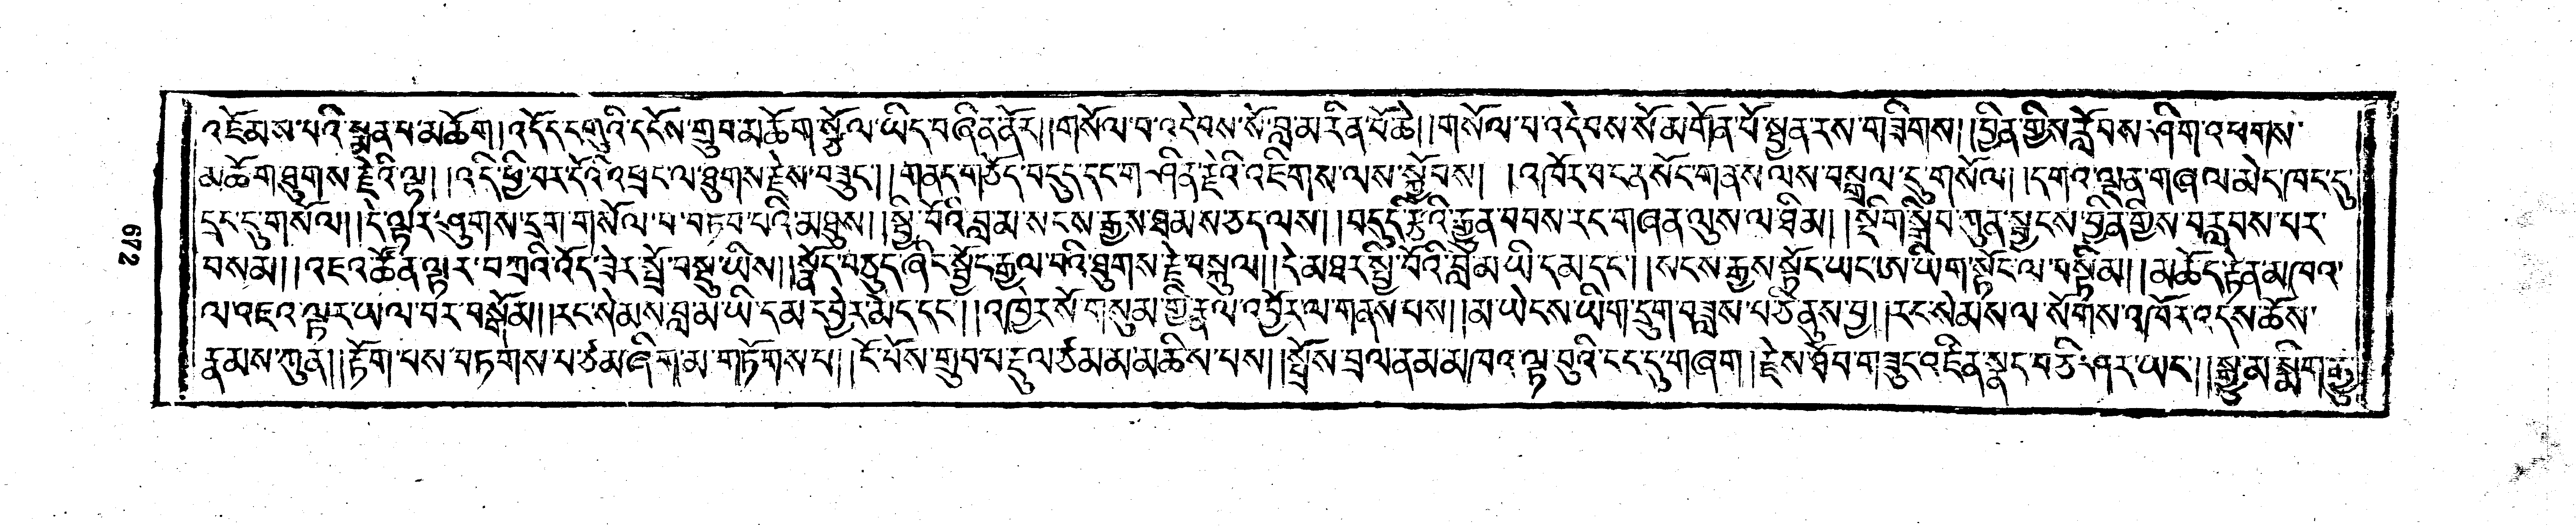འཇོམས་པའི་སྨན་པ་མཆོག །འདོད་དགུའི་དངོས་གྲུབ་མཆོག་སྩོལ་ཡིད་བཞིན་ནོར། །གསོལ་བ་འདེབས་སོ་བླ་མ་རིན་པོ་ཆེ། །གསོལ་བ་འདེབས་སོ་མགོན་པོ་སྤྱན་རས་གཟིགས། །བྱིན་གྱིས་རློབས་ཤིག་འཕགས་
མཆོག་ཐུགས་རྗེའི་ལྷ། །འདི་ཕྱི་བར་དོའི་འཕྲང་ལ་ཐུགས་རྗེས་བཟུང་། །གནད་གཅོད་བདུད་དང་གཤིན་རྗེའི་འཇིགས་ལས་སྐྱོབས། །འཁོར་བ་ངན་སོང་གནས་ལས་བསྒྲལ་དུ་གསོལ། །དགའ་ལྡན་གཞལ་མེད་ཁང་དུ་
དྲང་དུ་གསོལ། །དེ་ལྟར་ཤུགས་དྲག་གསོལ་བ་བཏབ་པའི་མཐུས། །སྤྱི་བོའི་བླ་མ་སངས་རྒྱས་ཐམས་ཅད་ལ། །བདུད་རྩིའི་རྒྱུན་བབས་རང་གཞན་ལུས་ལ་ཐིམ། །སྡིག་སྒྲིབ་ཀུན་སྦྱངས་བྱིན་གྱིས་བརླབས་པར་
བསམ། །འཇའ་ཚོན་ལྟར་བཀྲའི་འོད་ཟེར་སྤྲོ་བསྡུ་ཡིས། །སྣོད་བཅུད་ཞིང་སྦྱོང་རྒྱལ་བའི་ཐུགས་རྗེ་བསྐུལ། །དེ་མཐར་སྤྱི་བོའི་བླ་མ་ཡི་དམ་དང་། །སངས་རྒྱས་སྟོང་ཡང་ཨ་ཡིག་སྟོང་ལ་བསྟིམ། །མཆོད་རྟེན་མཁའ་
ལ་འཇའ་ལྟར་ཡལ་བར་བསྒོམ། །རང་སེམས་བླ་མ་ཡི་དམ་དབྱེར་མེད་དང་། །འཁྱེར་སོ་གསུམ་གྱི་རྣལ་འབྱོར་ལ་གནས་པས། །མ་ཡེངས་ཡིག་དྲུག་བཟླས་པ་ཅི་ནུས་བྱ། །རང་སེམས་ལ་སོགས་འཁོར་འདས་ཆོས་
རྣམས་ཀུན། །རྟོག་པས་བཏགས་པ་ཙམ་ཞིག་མ་གཏོགས་པ། །ངོ་བོས་གྲུབ་པ་རྡུལ་ཙམ་མ་མཆིས་པས། །སྤྲོས་བྲལ་ནམ་མཁའ་ལྟ་བུའི་ངང་དུ་གཞག །རྗེས་ཐོབ་གཟུང་འཛིན་སྣང་བ་ཅི་ཤར་ཡང་། །སྒྱུ་མ་སྨིག་རྒྱུ་